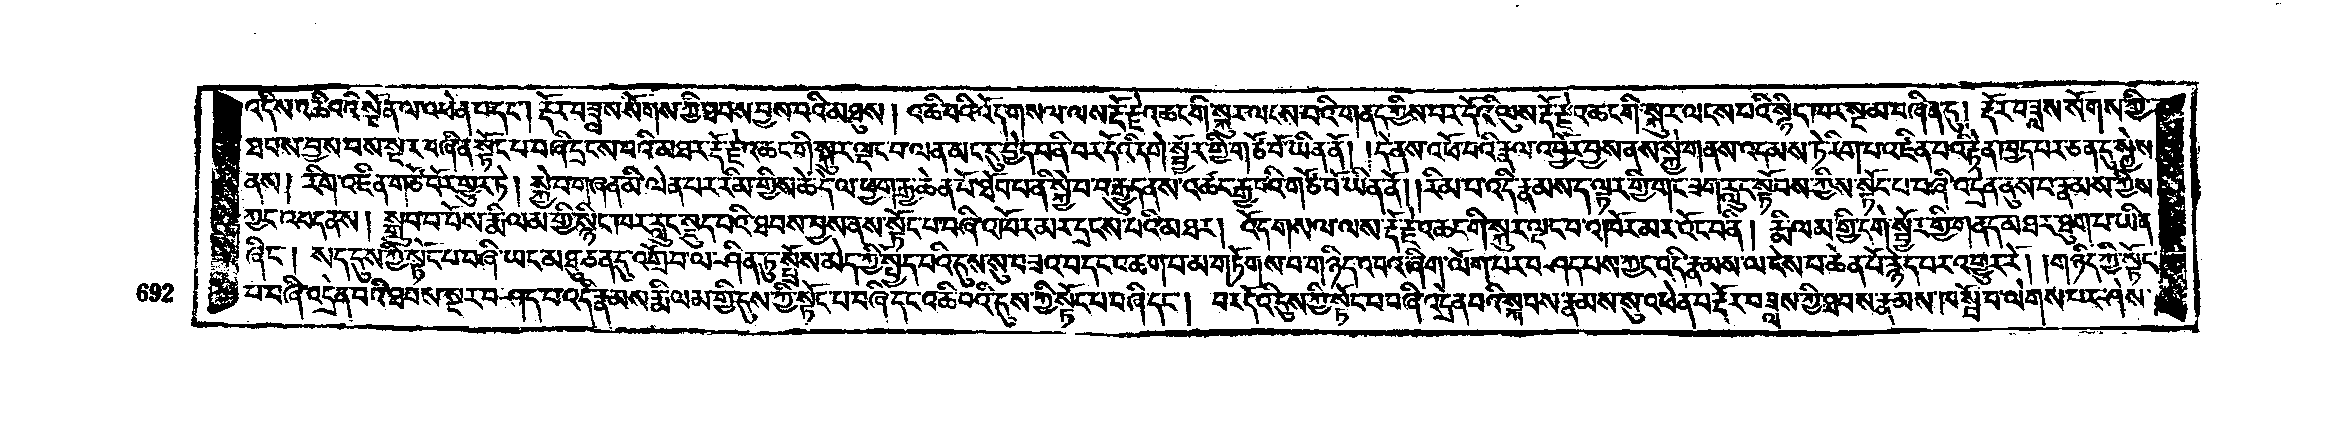འདིས་འཆི་བའི་སྔོན་ལ་འཕེན་པ་དང་། རྡོར་བཟླས་སོགས་ཀྱི་ཐབས་བྱས་པའི་མཐུས། འཆི་བའི་འོད་གསལ་ལས་རྡོ་རྗེ་འཆང་གི་སྐུར་ལངས་པའི་གནད་ཀྱིས་བར་དོའི་ལུས་རྡོ་རྗེ་འཆང་གི་སྐུར་ལངས་པའི་སྙིང་ཁར་སྔ་མ་བཞིན་དུ། རྡོར་བཟླས་སོགས་ཀྱི་
ཐབས་བྱས་པས་སྔར་བཞིན་སྟོང་པ་བཞི་དྲངས་པའི་མཐར་རྡོ་རྗེ་འཆང་གི་སྐུར་ལྡང་བ་ལན་མང་དུ་བྱེད་པ་ནི་བར་དོའི་དགེ་སྦྱོར་གྱི་གཙོ་བོ་ཡིན་ནོ། །དེ་ནས་འཕོ་བའི་རྣལ་འབྱོར་བྱས་ནས་སྐྱེ་གནས་འདམས་ཏེ་རིག་པ་འཛིན་པའི་རྟེན་ཁྱད་པར་ཅན་དུ་སྐྱེས་
ནས། རིག་འཛིན་གཙོ་བོར་གྱུར་ཏེ། སྐྱེ་བ་གཞན་མི་ལེན་པར་རིམ་གྱིས་ཚེ་དེ་ལ་ཕྱག་རྒྱ་ཆེན་པོ་ཐོབ་པ་ནི་སྐྱེ་བ་བརྒྱུད་ནས་འཚང་རྒྱ་བའི་གཙོ་བོ་ཡིན་ནོ། །རིམ་པ་འདི་རྣམས་ད་ལྟར་གྱི་གང་ཟག་རླུང་སྟོབས་ཀྱིས་སྟོང་པ་བཞི་འདྲེན་ནུས་པ་རྣམས་ཀྱིས་
ཀྱང་འབད་ནས། སྒྲུབ་པ་པོས་རྨི་ལམ་གྱི་སྙིང་ཁར་རླུང་སྡུད་པའི་ཐབས་བྱས་ནས་སྟོང་པ་བཞི་འཁོར་མར་དྲངས་པའི་མཐར། འོད་གསལ་ལས་རྡོ་རྗེ་འཆང་གི་སྐུར་ལྡང་བ་འཁོར་མར་འོང་བ་ནི། རྨི་ལམ་གྱི་དགེ་སྦྱོར་གྱི་གནད་མཐར་ཐུག་པ་ཡིན་
ཞིང་། སད་དུས་ཀྱི་སྟོང་པ་བཞི་ཡང་མཐུ་ཅན་དུ་འགྲོ་བ་ལ་ཤིན་ཏུ་སྤྲོས་མེད་ཀྱི་སྤྱོད་པའི་དུས་སུ་བཟའ་བ་དང་འཆག་པ་མ་གཏོགས་པ་གཉིད་འབའ་ཞིག་ལོག་པར་བཤད་པས་ཀྱང་འདི་རྣམས་ལ་ངེས་པ་ཆེན་པོ་རྙེད་པར་འགྱུར་རོ། །གཉིད་ཀྱི་སྟོང་
པ་བཞི་འདྲེན་པའི་ཐབས་སྔར་བཤད་པ་འདི་རྣམས་རྨི་ལམ་གྱི་དུས་ཀྱི་སྟོང་པ་བཞི་དང་འཆི་བའི་དུས་ཀྱི་སྟོང་པ་བཞི་དང་། བར་དོའི་དུས་ཀྱི་སྟོང་པ་བཞི་འདྲེན་པའི་སྐབས་རྣམས་སུ་འཕེན་པ་རྡོར་བཟླས་ཀྱི་ཐབས་རྣམས་ཁ་སྤོ་བ་ལེགས་པར་ཤེས་